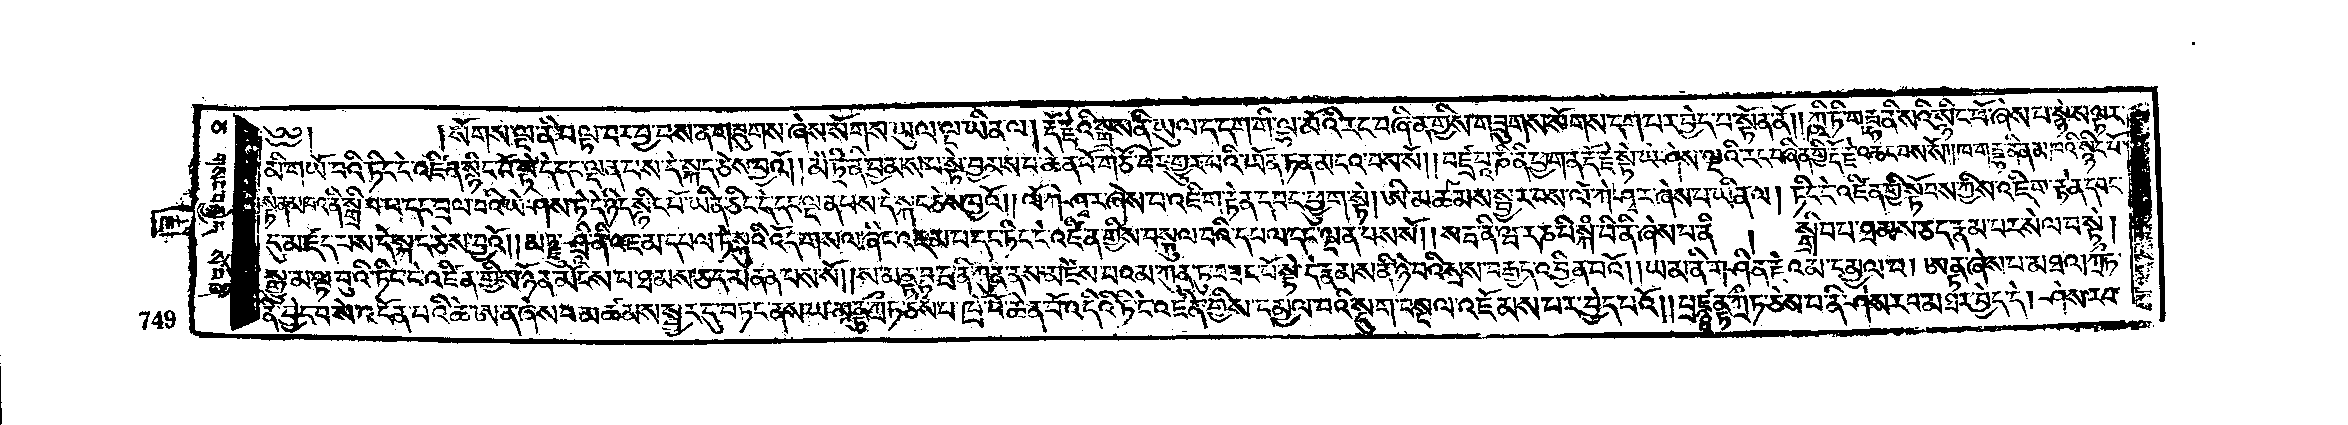༄༅། །སོགས་ལྔ་ནི་བལྟ་བར་བྱ་བས་ན་གཟུགས་ཞེས་སོགས་ཡུལ་ལྔ་ཡིན་ལ། རྡོ་རྗེའི་སྒྲས་ནི་ཡུལ་དེ་དག་གི་ལྷ་མོའི་རང་བཞིན་གྱིས་གཟུགས་སོགས་དག་པར་བྱེད་པ་སྟོན་ནོ། །ཀྵི་ཏི་གརྦྷ་ནི་སའི་སྙིང་པོ་ཞེས་པ་སྟེ་ས་ལྟར་
མི་གཡོ་བའི་ཏིང་ངེ་འཛིན་སྙིང་པོ་སྟེ་དེ་དང་ལྡན་པས་དེ་སྐད་ཅེས་བྱའོ། །མཻ་ཏྲི་ནི་བྱམས་པ་སྟེ་བྱམས་པ་ཆེན་པོ་གཙོ་བོར་གྱུར་པའི་ཡོན་ཏན་མངའ་བས་སོ། །བཛྲ་པཱ་ཎི་ནི་ཕྱག་ན་རྡོ་རྗེ་སྟེ་ཡེ་ཤེས་ལྔའི་རང་བཞིན་གྱི་རྡོ་རྗེ་འཆང་བས་སོ། །ཁ་གརྦྷ་ནི་ནམ་མཁའི་སྙིང་པོ་
སྟེ་ནམ་མཁའ་ནི་སྒྲིབ་པ་དང་བྲལ་བའི་ཡེ་ཤེས་ཏེ་དེ་ཉིད་སྙིང་པོ་ཡིན་ཅིང་དེ་དང་ལྡན་པས་དེ་སྐད་ཅེས་བྱའོ། །ལོ་ཀེ་ཤྭ་ར་ཞེས་པ་འཇིག་རྟེན་དབང་ཕྱུག་སྟེ། ཨི་མཚམས་སྦྱར་བས་ལོ་ཀེ་ཤྭ་ར་ཞེས་པ་ཡིན་ལ། ཏིང་ངེ་འཛིན་གྱི་སྟོབས་ཀྱིས་འཇིག་རྟེན་དབང་
དུ་མཛད་པས་དེ་སྐད་ཅེས་བྱའོ། །མཉྫུ་ཤྲཱི་ནི་འཇམ་དཔལ་ཏེ་སྐུའི་འོད་གསལ་ཞིང་འཇམ་པ་དང་ཏིང་ངེ་འཛིན་གྱིས་བསྐུལ་བའི་དཔལ་དང་ལྡན་པས་སོ། །སརྦ་ནི་ཝ་ར་ཎ་པི་སྐཾ་བི་ནི་ཞེས་པ་ནི། སྒྲིབ་པ་ཐམས་ཅད་རྣམ་པར་སེལ་བ་སྟེ།
སྒྱུ་མ་ལྟ་བུའི་ཏིང་ངེ་འཛིན་གྱིས་ཉོན་མོངས་པ་ཐམས་ཅད་མནན་པས་སོ། །ས་མནྟ་བྷ་དྲ་ནི་ཀུན་ནས་མཛེས་པའམ་ཀུན་ཏུ་བཟང་པོ་སྟེ་དེ་རྣམས་ནི་ཉེ་བའི་སྲས་བརྒྱད་འབྱིན་པའོ། །ཡ་མ་ནི་གཤིན་རྗེ་འམ་དམྱལ་བ། ཨནྟ་ཞེས་པ་མཐའ། ཀྲྀཏ་
ནི་བྱེད་པ་སྟེ་འདེན་པའི་ཆེ་ཨ་ན་ཞེས་པ་མཚམས་སྦྱར་དུ་བཏང་ནས་ཡ་མཱནྟ་ཀྲྀཏ་ཅེས་པ་ཁྲོ་བོ་ཆེན་པོ་འདིའི་ཏིང་ངེ་འཛིན་གྱིས་དམྱལ་བའི་སྡུག་བསྔལ་འཇོམས་པར་བྱེད་པའོ། །པྲ་ཛྙཱ་ནྟ་ཀྲྀ་ཏ་ཅེས་པ་ནི་ཤེས་རབ་མཐར་བྱེད་དེ། ཤེས་རབ་